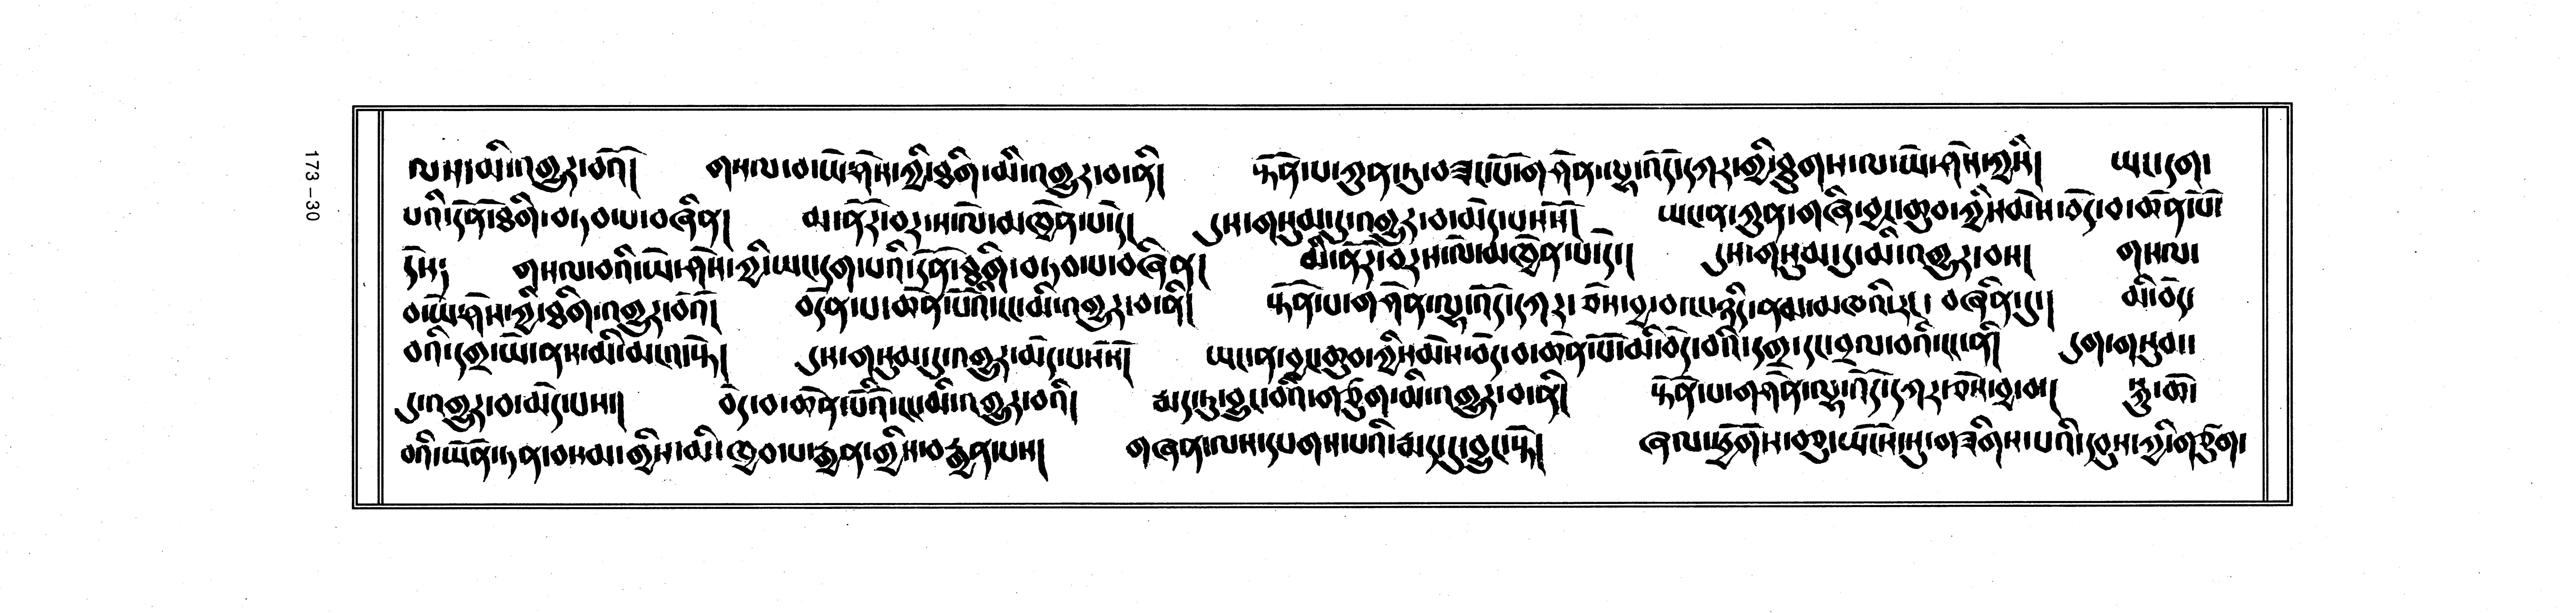ལས་མི་འགྱུར་བའོ། །གསལ་བ་ཡེ་ཤེས་ཀྱི་ཐིག་ལེ་མི་འགྱུར་བ་ནི། སྟོན་པ་ཀུན་ཏུ་བཟང་པོ་གཤེན་ལྷ་འོད་དཀར་གྱི་ཐུགས་ལ་ཡེ་ཤེས་ཀྱིས། ཡང་དག་
པའི་དོན་ལ་ཐིག་བཏབས་པ་བཞིན། མ་ནོར་བ་སལེ་མཁྱེན་པ་དེ། དུས་གསུམ་དུ་འགྱུར་བ་མེད་པས་སོ། །ཡང་ན་ཀུན་གཞི་བྱང་ཆུབ་ཀྱི་སེམས་བདེ་བ་ཆེན་པོ་
དེས། གསལ་བའི་ཡེ་ཤེས་ཀྱི་ཡང་དག་པའི་དོན་ཐིག་བཏབ་པ་བཞིན། མི་ནོར་བར་སལེ་མཁྱེན་པ་དེ། དུས་གསུམ་དུ་མི་འགྱུར་བས། གསལ་
བ་ཡེ་ཤེས་ཀྱི་ཐིག་འགྱུར་བའོ། བདེན་པ་ཆེན་པོའི་ངང་མི་འགྱུར་བ་ནི། སྟོན་པ་གཤེན་ལྷ་འོད་དཀར་ཅེས་བྱ་བ་ངང་ཉིད་ནམ་མཁའི་རང་བཞིན་དུ། མི་བདེ་
བའི་དགྲ་ཡེ་ནས་མི་མངའ་སྟེ། དུས་གསུམ་དུ་འགྱུར་བ་མེད་པས་སོ། །ཡང་ན་བྱང་ཆུབ་ཀྱི་སེམས་བདེ་བ་ཆེན་པོ་མི་བདེ་བའི་དགྲ་དང་བྲལ་བའི་ངང་ནི། དུས་གསུམ་
དུ་འགྱུར་བ་མེད་པས། བདེ་བ་ཆེན་པོའི་ངང་མི་འགྱུར་བའོ། །རྨད་དུ་བྱུང་བའི་གཙུག་མི་འགྱུར་བ་ནི། སྟོན་པ་ཀུན་ཏུ་བཟང་པོ་གཤེན་ལྷ་འོད་དཀར་ཅེས་བྱ་བ། སྐུ་ཆེ་
བའི་ཡོན་ཏན་བསམ་གྱིས་མི་ཁྱབ་པའི་རྒྱན་གྱིས་བརྒྱན་པས། གཞན་ལས་དཔག་པའི་རྨད་དུ་བྱུང་སྟེ། ཞལ་ཕྱོགས་བཅུ་ཡོངས་སུ་གཟིགས་པའི་དབུས་ཀྱི་གཙུག་